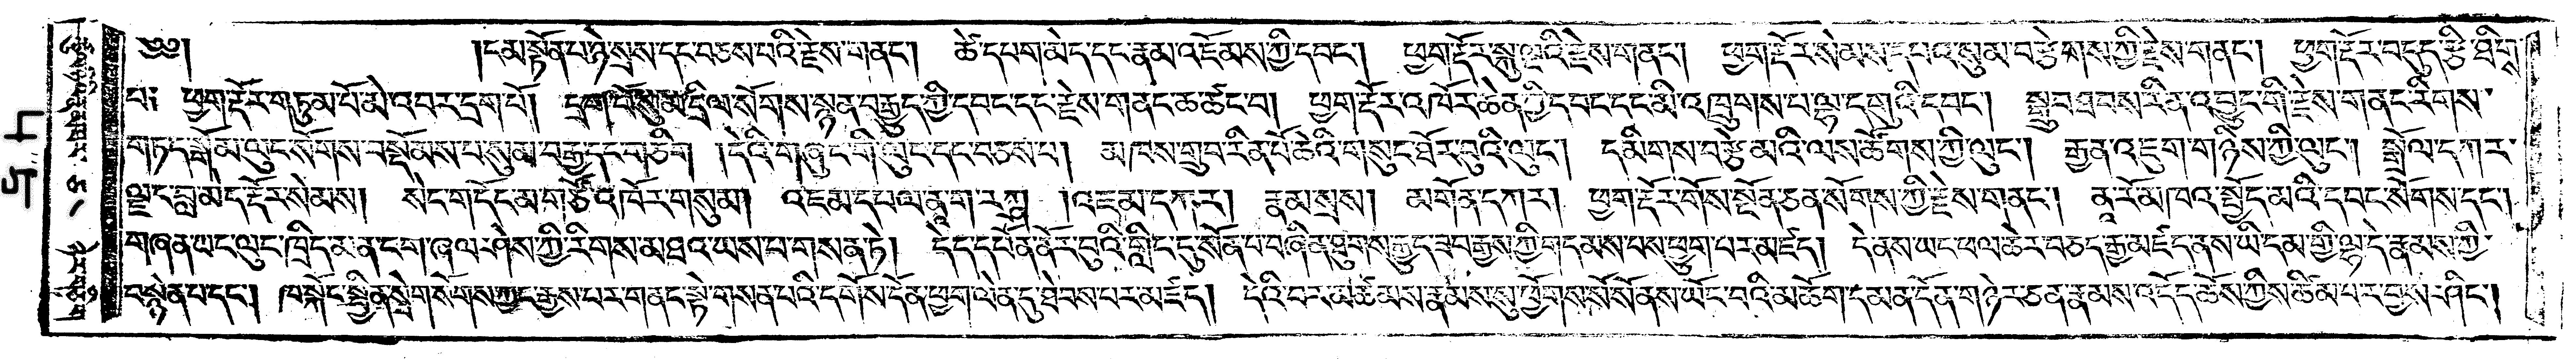༄༅། །ངམ་སྟོན་པ་ཉེ་སྲས་དང་བཅས་པའི་རྗེས་གནང་། ཚེ་དཔག་མེད་དང་རྣམ་འཇོམས་ཀྱི་དབང་། ཕྱག་རྡོར་སྐུ་ལྔའི་རྗེས་གནང་། ཕྱག་རྡོར་སེམས་དཔའ་སུམ་བརྩེགས་ཀྱི་རྗེས་གནང་། ཕྱག་རྡོར་བདུད་རྩི་ཐིགས་
པ༑ ཕྱག་རྡོར་གཏུམ་པོ་མེ་འབར་དྲག་པོ། དྲག་པོ་སུམ་དྲིལ་སོགས་སྙན་བརྒྱུད་ཀྱི་དབང་དང་རྗེས་གནང་ཆ་ཚང་བ། ཕྱག་རྡོར་འཁོར་ཆེན་གྱི་དབང་དང་མི་འཁྲུགས་པ་ལྷ་དགུའི་དབང་། སྒྲུབ་ཐབས་རིན་འབྱུང་གི་རྗེས་གནང་རིགས་
གཏད་སྒོམ་ལུང་སོགས་བསྡོམས་པ་སུམ་བརྒྱ་དང་གཅིག །དེའི་གཞུང་གི་ལུང་དང་བཅས་པ། མཁས་གྲུབ་རིན་པོ་ཆེའི་གསུང་ཐོར་བུའི་ལུང་། དམིགས་བརྩེ་མའི་ལས་ཚོགས་ཀྱི་ལུང་། རྒྱན་འཇུག་གཉིས་ཀྱི་ལུང་། སྒྲོལ་དཀར་
ལྗང་བླ་མེད་རྡོར་སེམས། སེང་གདོང་མ་གཙོ་འཁོར་གསུམ། འཇམ་དཔལ་ནཱ་ག་རཀྴ་།འཇམ་དཀར། རྣམ་སྲས། མགོན་དཀར། ཕྱག་རྡོར་གོས་སྔོན་ཅན་སོགས་ཀྱི་རྗེས་གནང་། ནཱ་རོ་མཁའ་སྤྱོད་མའི་དབང་སོགས་དང་།
གཞན་ཡང་ལུང་ཁྲིད་མན་ངག་ཞལ་ཤེས་ཀྱི་རིགས་མཐའ་ཡས་པ་གསན་ཏེ། དེད་དཔོན་ནོར་བུའི་གླིང་དུ་སོན་པ་བཞིན་ཐུགས་རྒྱུད་ཟབ་རྒྱས་ཀྱི་གདམས་བས་ཕྱུག་པར་མཛད། དེ་ནས་ཡང་ཕལ་ཆེར་བཅད་རྒྱ་མཛད་ནས་ཡི་དམ་གྱི་ལྷ་དེ་རྣམས་ཀྱི་
བསྙེན་པ་དང་། ཁ་སྐོང་སྦྱིན་སྲེག་སོགས་ཀྱང་རྒྱས་པར་གནང་སྟེ་གསན་པའི་དགོས་དོན་ཕྱག་ལེན་དུ་ཐེབས་པར་མཛད། དེའི་བར་མཚམས་རྣམས་སུ་ཕྱོགས་སོ་སོ་ནས་ཡོང་བའི་མཆོག་དམན་དོན་གཉེར་ཅན་རྣམས་འདོད་ཆོས་ཀྱིས་ཚིམ་པར་བྱས་ཤིང་།